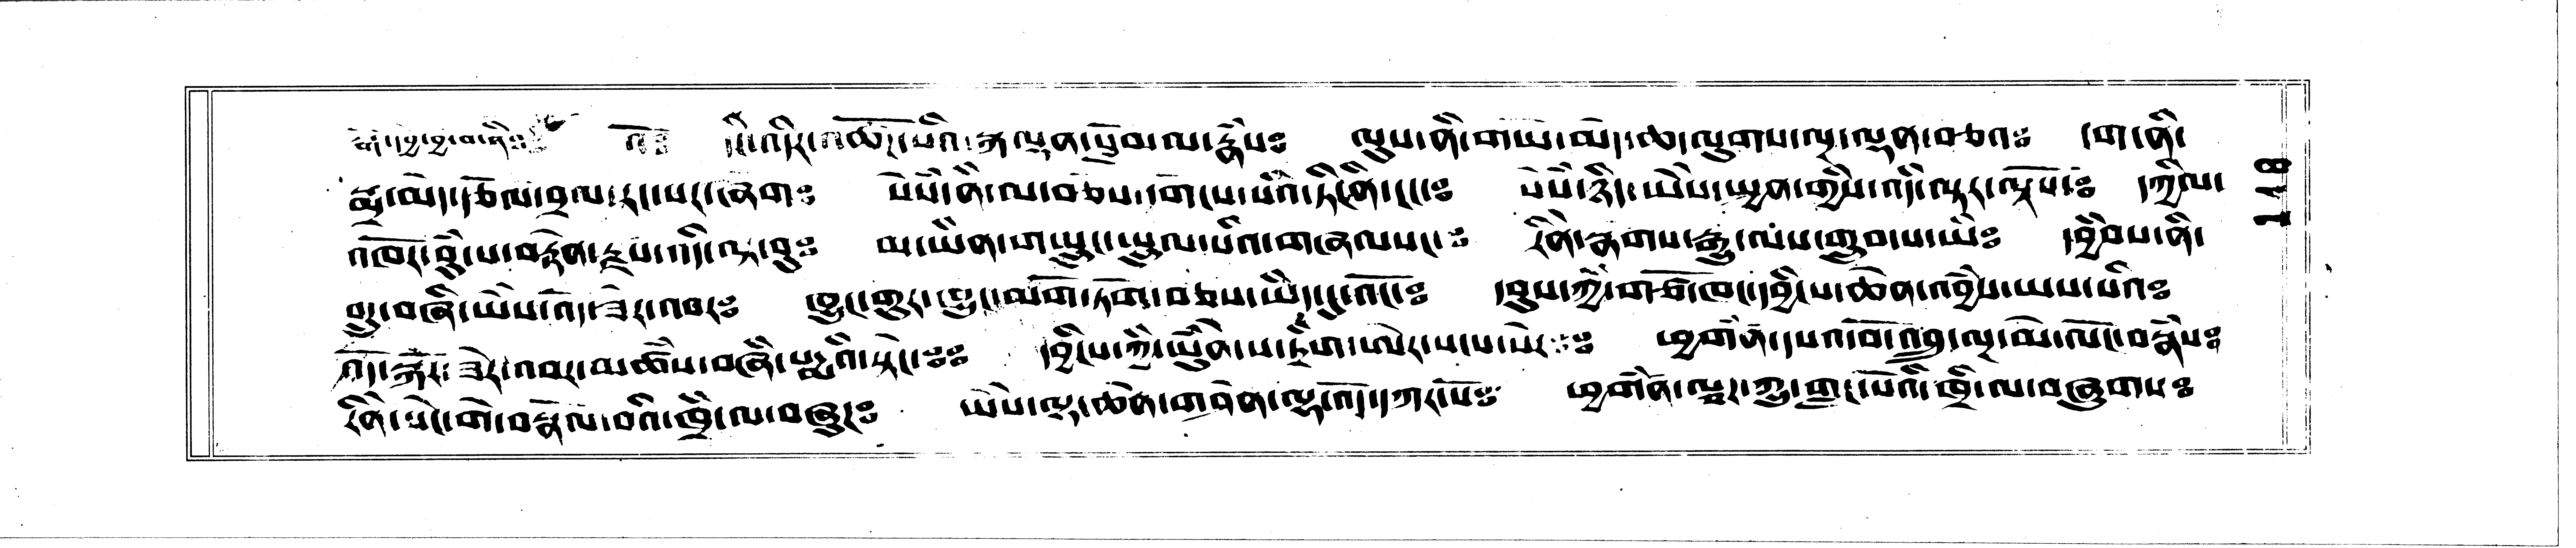སྒོ་དབྱེ་བྱ་བ་ནིཿ འོཿ དེང་འདིར་འཚོགས་པའི་སྐལ་ལྡན་སློབ་མ་རྣམསཿ ལུས་ནི་གཡོ་མེད་ཆ་ལུགས་ལྔ་ལྡན་བཅའཿ ངག་ནི་
སྨྲ་མེད་རྩོལ་བྲལ་རང་སར་ཞོགཿ སེམས་ནི་མ་བཅོས་དགོངས་པའི་ཏིང་འཛིན་ངངཿ སེམས་ཉིད་ཡེ་ཤེས་སྤྱན་གྱིས་འདི་ལྟར་ལྟོསཿ དཀྱིལ་
འཁོར་བུམ་པ་རྟེན་རྫས་འདི་ལྟ་བུཿ མ་ཡིན་གཡུང་དྲུང་སྤྲུལ་པའི་གཞལ་ཡས་ཁངཿ རིན་ཆེན་སྣ་ཚོགས་རྒྱུ་ལས་གྲུབ་པ་ཡིཿ དབྱིབས་ནི་
གྲུ་བཞི་ཡེ་ཤེས་འོད་ཟེར་འབརཿ ཁྱུང་གུར་ཁྱུང་མགོ་ཏོག་བཅས་ཡིད་དུ་འོངཿ དབུས་ཀྱི་གཙོ་ཁང་དབྱིངས་ཆེན་འབྱམས་ཡས་པའིཿ
 འོད་སྐོར་ཟེར་འབར་མཚམས་བཞི་པད་མའི་སྟེངཿ དབྱིངས་ཀྱི་ཡུམ་ཆེན་ས་ཏྲིག་ཨེར་སངས་སེརཿ ཕྱག་མཚན་དཔའ་བོ་འབྲུ་ལྔ་མེ་ལོང་བསྣམསཿ 
རིན་ཆེན་སེང་གེ་བསྣོལ་བའི་ཁྲི་ལ་བཞུགསཿ ཡེ་ཤེས་ལྷ་ཆེན་གཤེན་ལྷ་འོད་དཀར་པོཿ ཕྱག་མཚན་ལྕཀྱུ་གླང་པོའི་ཁྲི་ལ་བཞུགསཿ